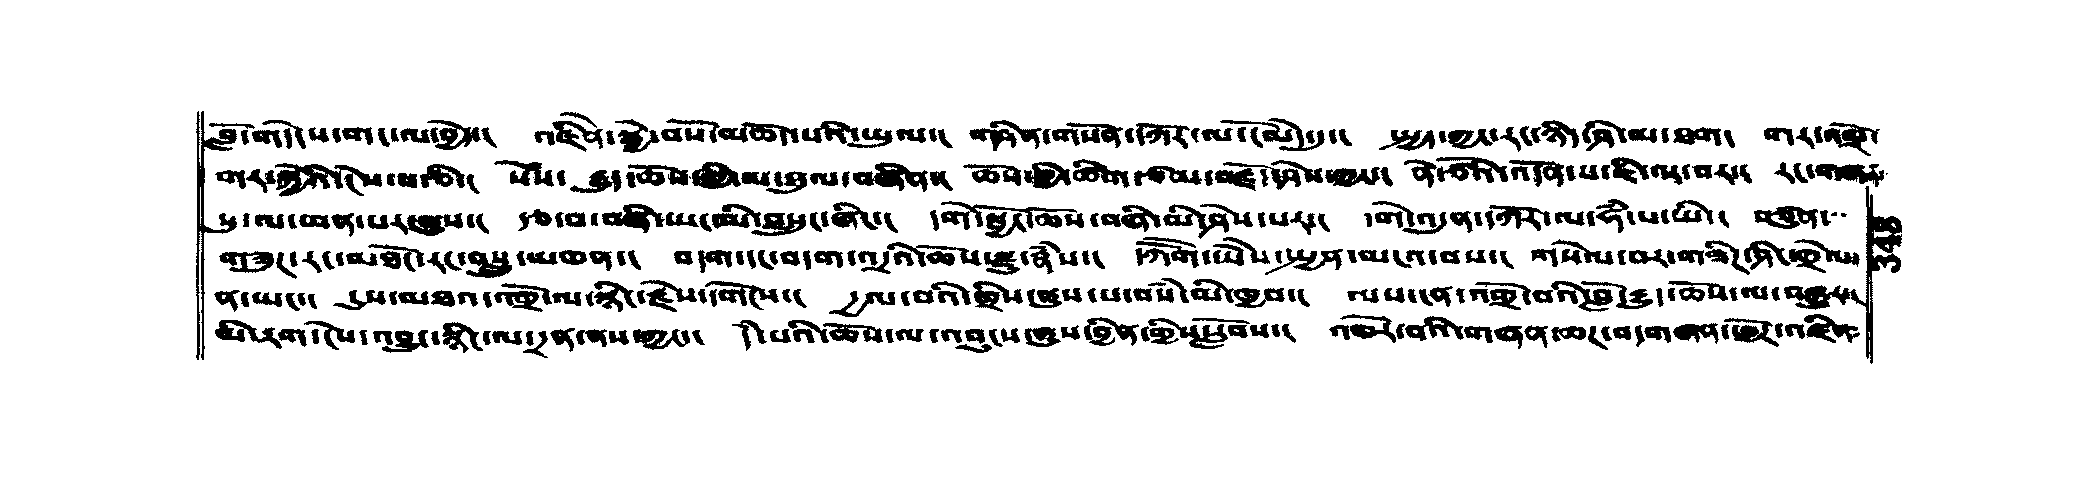བློ་གདེངས་གང་ལ་བྱེད། །འཇིག་རྟེན་སྐྱེ་བོས་མཆོད་པའི་ཡུལ། །གཤིན་གསོན་དཀོར་ལ་ངོམ་མེད་དུ། །སྤྱད་ཀྱང་རང་ཉིད་ཤི་མ་ཐག །གར་འགྲོ་
གར་སྐྱེའི་ངེས་པ་ཅི། །སེམས་རྒྱུད་ཆོས་ཀྱི་མ་ཐུལ་བཞིན། །ཆོས་ཀྱི་ཚིག་ཙམ་བརྗོད་ཤེས་ཀྱང་། །ནེ་ཙོའི་འདོན་པ་ཇི་ལྟ་བར། །རང་གཞན་
སུ་ལ་ཕན་པར་ནུས། །རྩ་བ་བཞི་ཡང་མི་བསྲུང་ཞིང་། །དགེ་སྦྱོར་ཆོས་བཞི་མི་ཤེས་པར། །དགེ་འདུན་དཀོར་ལ་ཧམ་པ་ཡི། །བཙུན་
གཟུགས་རང་མཐོང་རང་བསླུ་མཁན། །བདག་དང་བདག་འདྲའི་ཆོས་རྫུ་རྣམས། །དཀོན་མཆོག་ཡེ་ཤེས་སྤྱན་མངའ་བས། །གསལ་བར་གཟིགས་ཤིང་ཁྲེལ་
ན་ཡང་། །དུས་མཐའི་འགྲོ་ལ་སྙིང་རྗེས་དགོངས། །རྒྱལ་བའི་ཕྲིན་ལས་ནུས་པ་བསམ་མི་ཁྱབ། །ལས་ངན་འགྲོ་བའི་བློ་རྒྱུད་ཆོས་ལ་བསྒྱུར། །
མི་རྟག་ངེས་འབྱུང་སྙིང་ལ་དྲན་ནས་ཀྱང་། །དམ་པའི་ཆོས་ལ་འབུངས་ནུས་བྱིན་གྱིས་རློབས། །འཁོར་བའི་ཞེན་ཆགས་བདག་གཞན་ཕྱོགས་འཛིན་